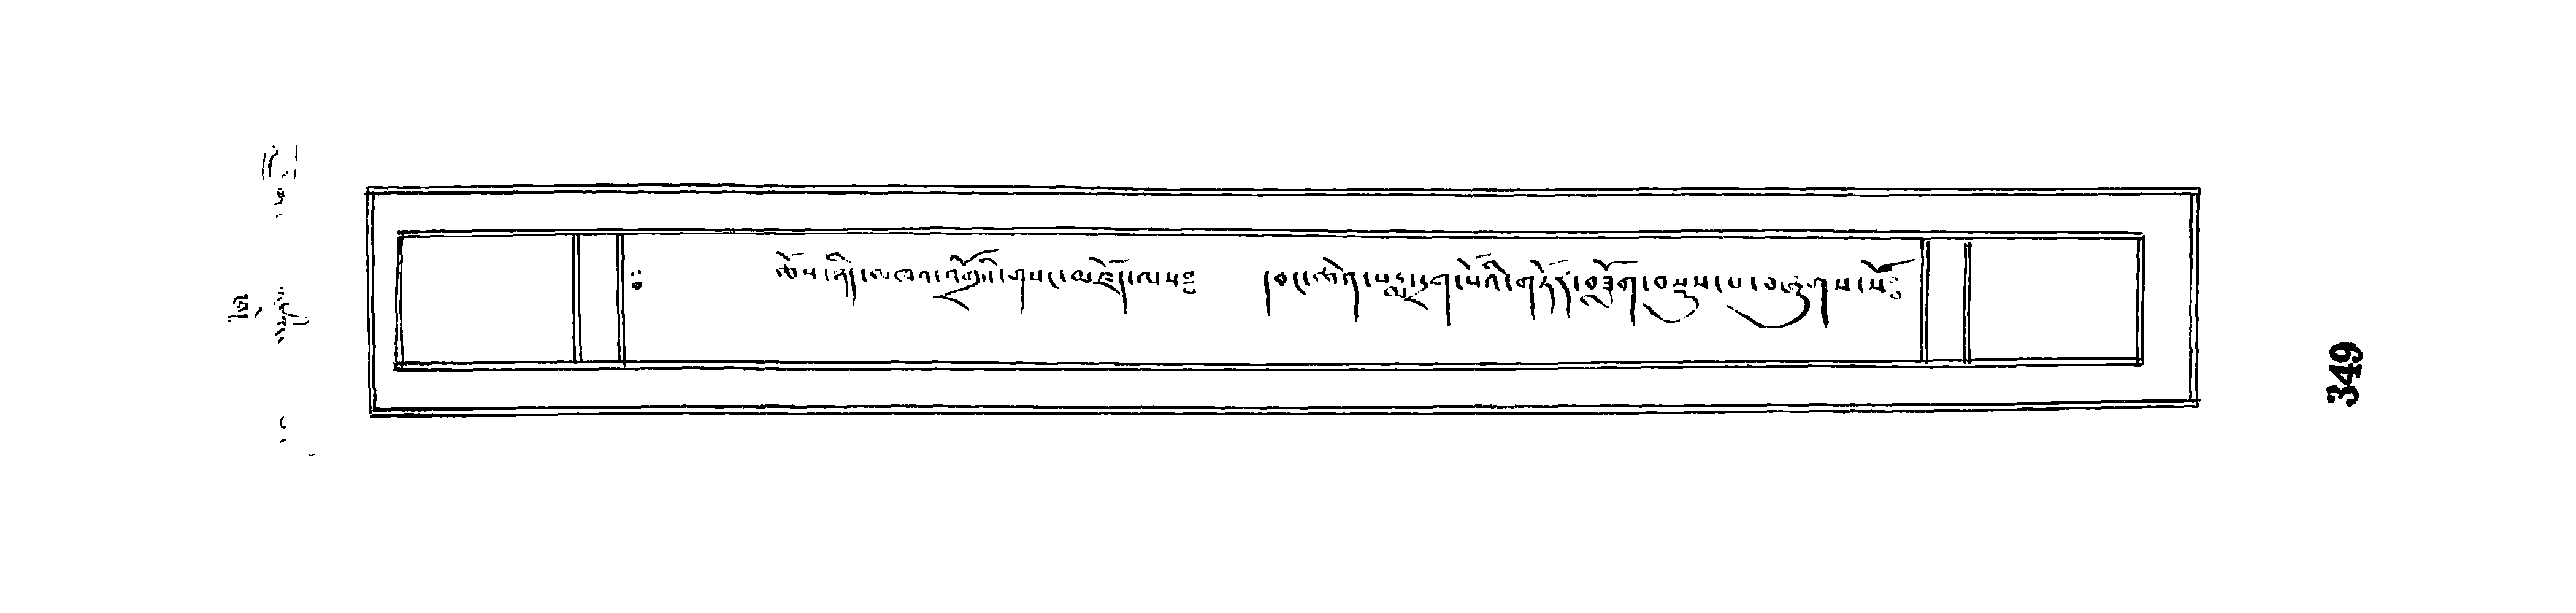ཆོས་ཉིད་མཁའ་འགྲོའི་གསང་མཛོད་ལས༔ དབང་ཆེན་པདྨ་དྲག་པོའི་གཏོར་བཟློག་བསྡུས་པ་བཞུགས་སོ༔